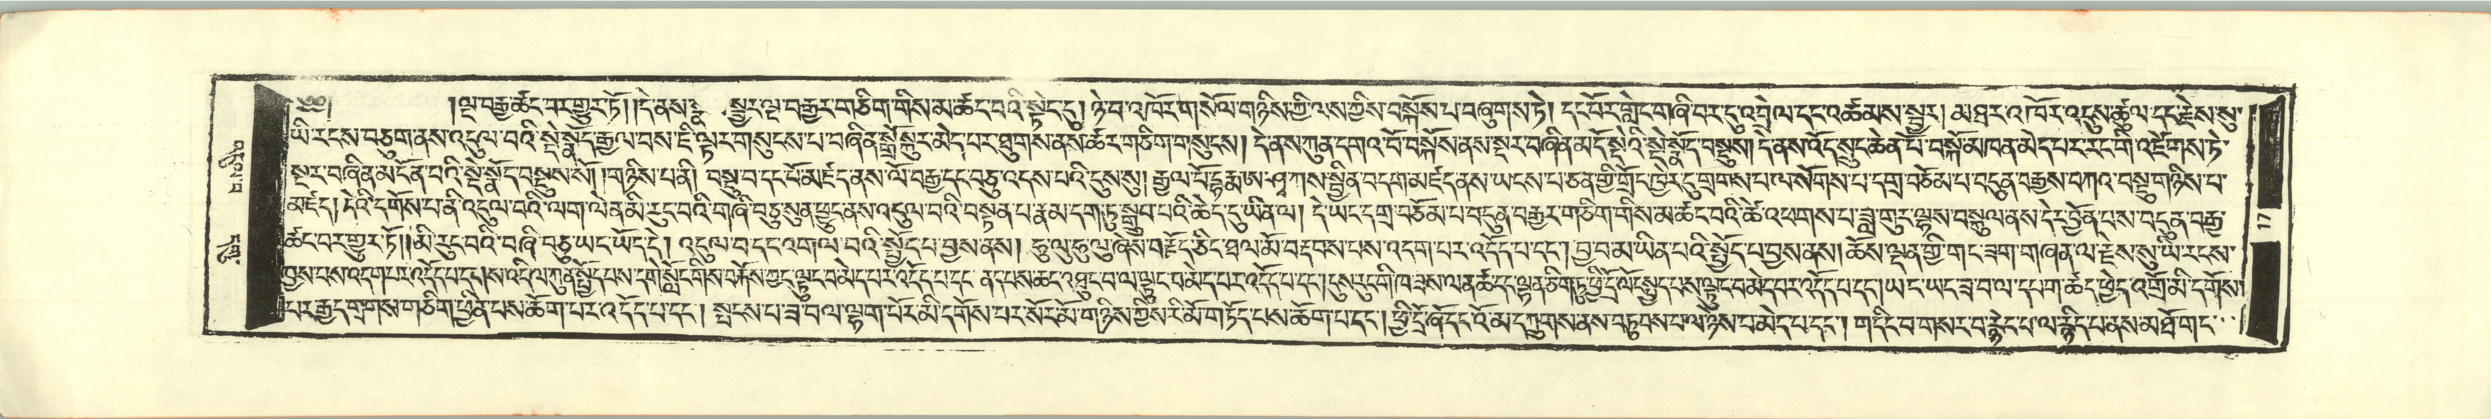༄༅། །ལྔ་བརྒྱ་ཚང་བར་གྱུར་ཏོ། །དེ་ནས་སྣམ་སྦྱར་ལྔ་བརྒྱར་གཅིག་གིས་མ་ཚང་བའི་སྟེང་དུ། ཉེ་བ་འཁོར་གསོལ་གཉིས་ཀྱི་ལས་ཀྱིས་བསྐོས་པ་བཞུགས་ཏེ། དང་པོར་གླེང་གཞི་བར་དུ་འབྲེལ་དང་འཚམས་སྦྱར། མཐར་འཁོར་དུས་ཚུལ་དང་རྗེས་སུ་
ཡི་རངས་བཅུག་ནས་འདུལ་བའི་སྡེ་སྣོད་རྒྱལ་བས་ཇི་ལྟར་གསུངས་པ་བཞིན་སྒྲོ་སྐུར་མེད་པར་ཐུགས་ནས་ཚར་གཅིག་གསུངས། དེ་ནས་ཀུན་དགའ་བོ་བསྐོས་ནས་སྔར་བཞིན་མདོ་སྡེའི་སྡེ་སྣོད་བསྡུས། དེ་ནས་འོད་སྲུང་ཆེན་པོ་བསྐོ་མཁན་མེད་པར་རང་གི་འཛེགས་ཏེ་
སྔར་བཞིན་མངོན་པའི་སྡེ་སྣོད་བསྡུས་སོ། །གཉིས་པ་ནི། བསྡུ་བ་དང་པོ་མཛད་ནས་ལོ་བརྒྱ་དང་བཅུ་འདས་པའི་དུས་སུ། རྒྱལ་པོ་དྷ་རྨ་ཨ་ཤཱ་ཀས་སྦྱིན་བདག་མཛད་ནས་ཡངས་པ་ཅན་གྱི་གྲོང་ཁྱེར་དུ་གྲགས་པ་ལ་སོགས་པ་དགྲ་བཅོམ་པ་བདུན་བརྒྱས་བཀའ་བསྡུ་གཉིས་པ་
མཛད། དེའི་དགོས་པ་ནི་འདུལ་བའི་ལག་ལེན་མི་རུང་བའི་གཞི་བཅུ་སུན་ཕྱུང་ནས་འདུལ་བའི་བསྟན་པ་རྣམ་དག་ཏུ་སྒྲུབ་པའི་ཆེད་དུ་ཡིན་ལ། དེ་ཡང་དགྲ་བཅོམ་པ་བདུན་བརྒྱར་གཅིག་གིས་མ་ཚང་བའི་ཚེ་འཕགས་པ་ཟླ་གུར་ལྷས་བསྐུལ་ནས་དེར་བྱོན་པས་བདུན་བརྒྱ་
ཚང་བར་གྱུར་ཏོ། །མི་རུང་བའི་བཞི་བཅུ་ཡང་ཡོད་དེ། འདུལ་བ་དང་འགལ་བའི་སྤྱོད་པ་བྱས་ནས། ཧུ་ལུ་ཧུ་ལུ་ཞེས་བརྗོད་ཅིང་ཐལ་མོ་བརྡབས་པས་འདག་པར་འདོད་པ་དང་། བྱ་བ་མ་ཡིན་པའི་སྤྱོད་པ་བྱས་ནས། ཆོས་ལྡན་གྱི་གང་ཟག་གཞན་ལ་རྗེས་སུ་ཡི་རངས་
བྱས་པས་འདག་པར་འདོད་པ་དང་། ས་འདི་ལ་ཀུན་སྤྱོད་པས་དགེ་སློང་གིས་བརྐོས་ཀྱང་ལྟུང་བ་མེད་པར་འདོད་པ་དང་ནད་པས་ཆང་འཐུང་བ་ལ་ལྟུང་བ་མེད་པར་འདོད་པ་དང་། དུས་རུང་གི་ཁ་ཟས་ལན་ཚ་དང་ལྷན་ཅིག་ཏུ་ཕྱི་དྲོ་ལོང་སྤྱད་པས་ལྟུང་བ་མེད་པ་འདོད་པ་དང་། ཡང་ཡང་ཟ་བ་ལ་དཔག་ཚད་ཕྱེད་འགྲོ་མི་དགོས་
པར་རྒྱད་གྲགས་གཅིག་ཕྱིན་པས་ཆོག་པར་འདོད་པ་དང་། སྤངས་པ་ཟ་བལ་ལྷག་པོར་མི་དགོས་པར་སོར་མོ་གཉིས་ཀྱིས་རི་མོ་གཏོད་པས་ཆོག་པ་དང་། ཕྱི་དྲོ་ཞོ་དང་འོ་མ་དཀྲུགས་ནས་བཏུབས་པ་ལ་ཉེས་པ་མེད་པ་དང་། གདིང་བ་གསར་བ་རྙེད་པ་ལ་རྙིད་པ་ནས་མཐོ་གང་